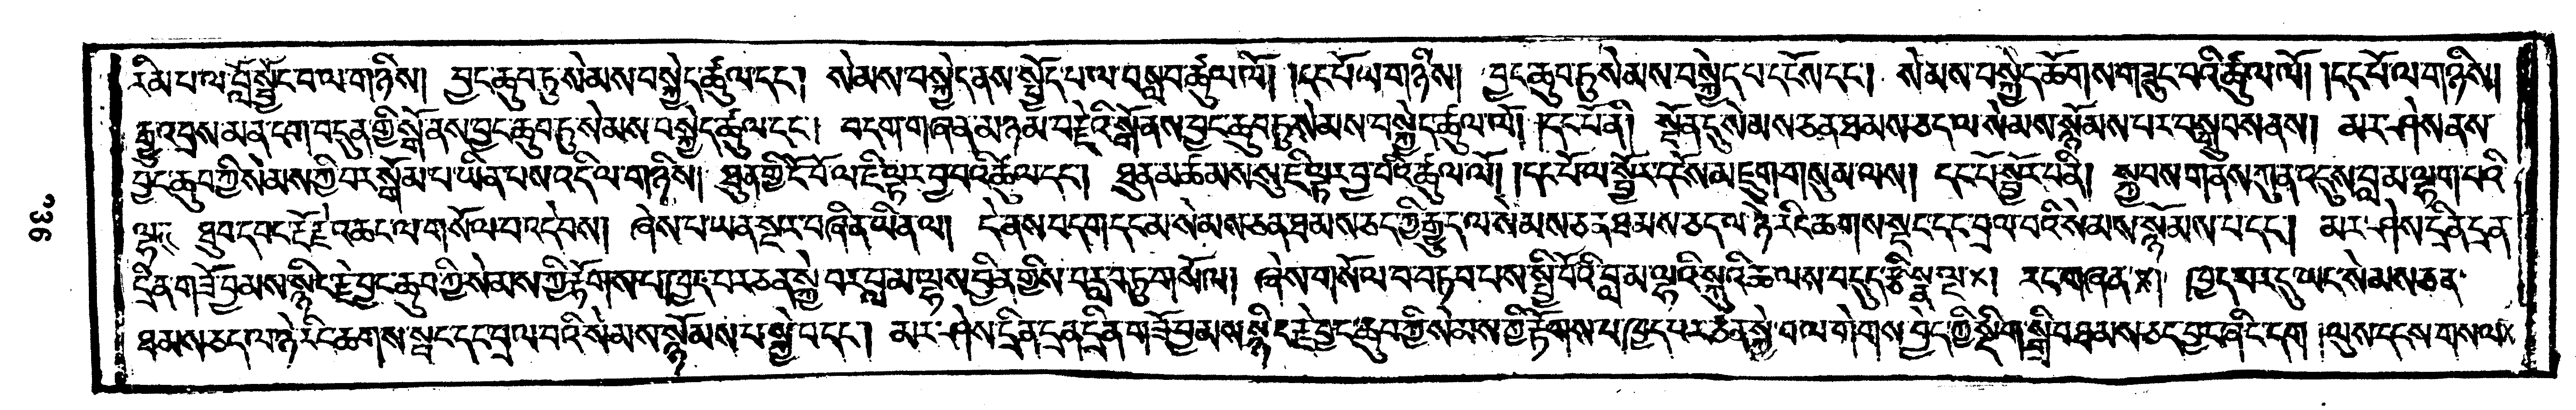རིམ་པ་ལ་བློ་སྦྱོང་བ་ལ་གཉིས། བྱང་ཆུབ་ཏུ་སེམས་བསྐྱེད་ཚུལ་དང་། སེམས་བསྐྱེད་ནས་སྤྱོད་པ་ལ་བསླབ་ཚུལ་ལོ། །དང་པོ་ལ་གཉིས། བྱང་ཆུབ་ཏུ་སེམས་བསྐྱེད་པ་དངོས་དང་། སེམས་བསྐྱེད་ཆོ་གས་གཟུང་བའི་ཚུལ་ལོ། །དང་པོ་ལ་གཉིས།
རྒྱུ་འབྲས་མན་ངག་བདུན་གྱི་སྒོ་ནས་བྱང་ཆུབ་ཏུ་སེམས་བསྐྱེད་ཚུལ་དང་། བདག་གཞན་མཉམ་བརྗེའི་སྒོ་ནས་བྱང་ཆུབ་ཏུ་སེམས་བསྐྱེད་ཚུལ་ལོ། །དང་པོ་ནི། སྔོན་དུ་སེམས་ཅན་ཐམས་ཅད་ལ་སེམས་བསྙོམས་པར་བསྒྲུབས་ནས། མར་ཤེས་ནས་
བྱང་ཆུབ་ཀྱི་སེམས་ཀྱི་བར་སྒོམ་པ་ཡིན་པས་འདི་ལ་གཉིས། ཐུན་གྱི་ངོ་བོ་ལ་ཇི་ལྟར་བྱ་བའི་ཚུལ་དང་། ཐུན་མཚམས་སུ་ཇི་ལྟར་བྱ་བའི་ཚུལ་ལོ། །དང་པོ་ལ་སྦྱོར་དངོས་མཇུག་གསུམ་ལས། དང་པོ་སྦྱོར་བ་ནི། སྐྱབས་གནས་ཀུན་འདུས་བླ་མ་ལྷག་པའི་
ལྷ༑ ༑ཐུབ་དབང་རྡོ་རྗེ་འཆང་ལ་གསོལ་བ་འདེབས། ཞེས་པ་ཡན་སྔར་བཞིན་ཡིན་ལ། དེ་ནས་བདག་དང་མ་སེམས་ཅན་ཐམས་ཅད་ཀྱི་རྒྱུད་ལ་སེམས་ཅན་ཐམས་ཅད་ལ་ཉེ་རིང་ཆགས་སྡང་དང་བྲལ་བའི་སེམས་སྙོམས་པ་དང་། མར་ཤེས་དྲིན་དྲན་
དྲིན་གཟོ་བྱམས་སྙིང་རྗེ་བྱང་ཆུབ་ཀྱི་སེམས་ཀྱི་རྟོགས་པ་ཁྱད་པར་ཅན་སྐྱེ་བར་བླ་མ་ལྷས་བྱིན་གྱིས་བརླབ་ཏུ་གསོལ། ཞེས་གསོལ་བ་བཏབ་པས་སྤྱི་བོའི་བླ་མ་ལྷའི་སྐུའི་ཆ་ལས་བདུད་རྩི་སྣ་ལྔ་྾། རང་གཞན་྾། ཁྱད་པར་དུ་ཡང་སེམས་ཅན་
ཐམས་ཅད་ལ་ཉེ་རིང་ཆགས་སྤང་དང་བྲལ་བའི་སེམས་སྙོམས་པ་སྐྱེ་བ་དང་། མར་ཤེས་དྲིན་དྲན་དྲིན་གཟོ་བྱམས་སྙིང་རྗེ་བྱང་ཆུབ་ཀྱི་སེམས་ཀྱི་རྟོགས་པ་ཁྱད་པར་ཅན་སྐྱེ་བ་ལ་གེགས་བྱེད་ཀྱི་སྡིག་སྒྲིབ་ཐམས་ཅད་བྱང་ཞིང་དག །ལུས་དངས་གསལ྾་